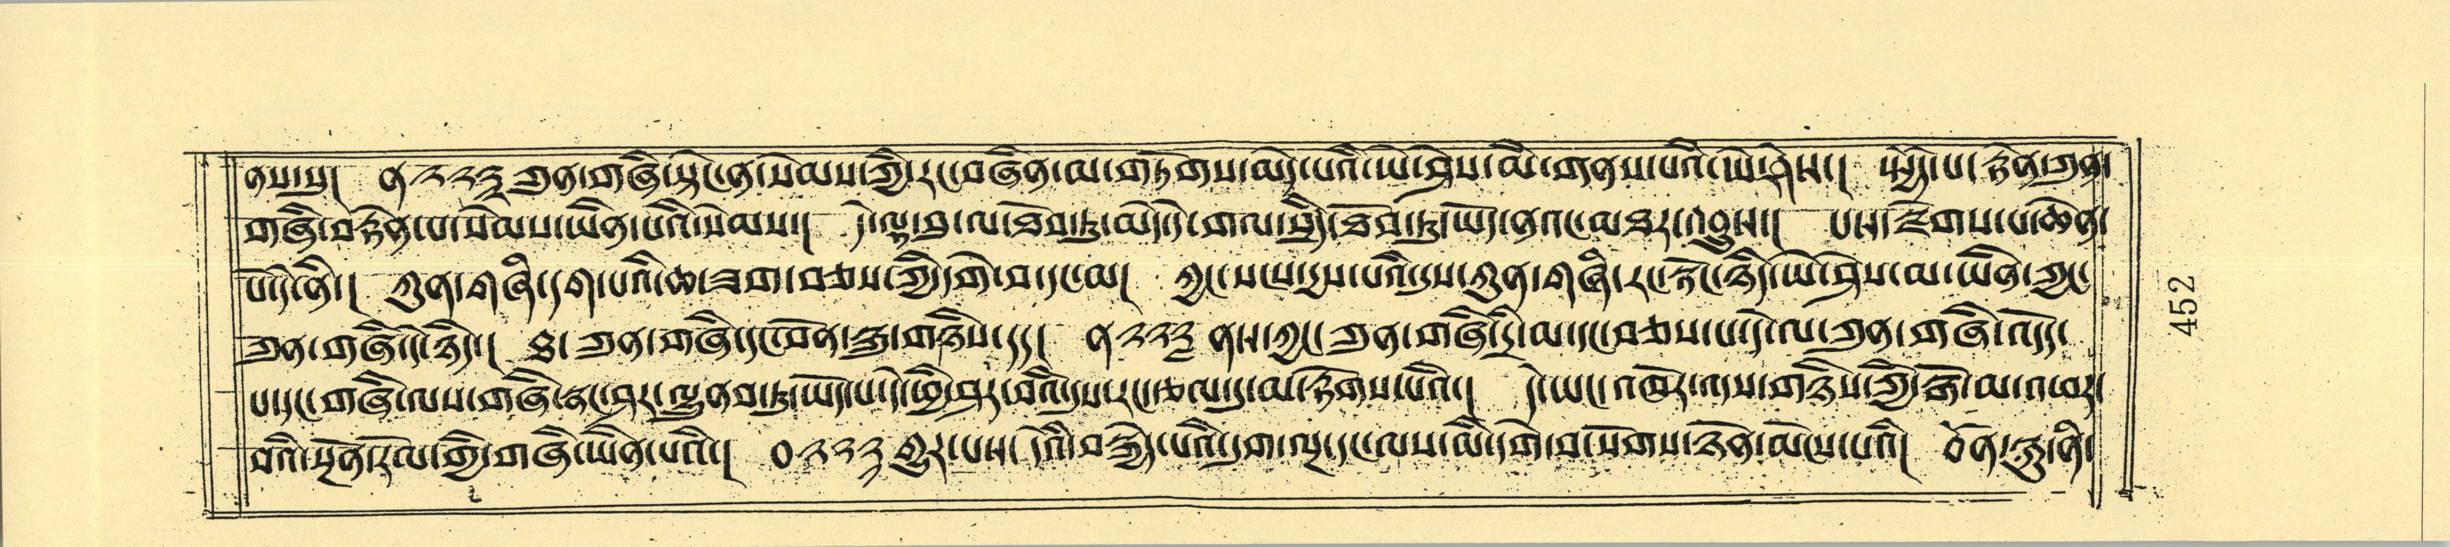ནས་སུ་ན༢༢༢།༢ཀུན་གཞི་སྟེང་ན་སེམས་ཀྱི་རང་བཞིན་མ་གཏོགས་མེད་པའི་ཡེ་ཤེས་མི་གནས་པའི་༼ཡེ་ཤེས༽༼སྤྱོད་པ༽༼རྟེན༽ཀུན་
གཞི་བརྟེན་པ་སེམས་ཡིན་པས་སེམས། དེ་ལྟ་བུ་ལ་ཐོབ་ཏུ་མེད་དེ་གལ་སྲིད་ཐོབ་ཏུ་ཡོད་ནའང་མཐར་༼འབྲས་བུ་པས༽རྫོགས་པ་ཆེན་
པོ་དེ་ནི་༼ཀུན་གཞི་དག་པའི༽ཆ་ཟག་བཅས་ཀྱི་དགེ་བ་དང་མ།༼ཀྱང༽སངས་རྒྱས་པའི་༼ཀུན་གཞིེ༽རང་སྟོང་ཉིད་ཡེ་ཤེས་མ་ཡིན་ཀྱང་
ཀུན་གཞི་དེ་ཉིད་༼ཐ༽ཀུན་གཞི་དང་བོན་སྐུ་གཉིས་༼དད༽ན༢༢༢།༤༼ནས་ཀྱང༽ཀུན་གཞི་དྲི་མ་དང་བཅས་པ་དེ་ལ་ཀུན་གཞི་འདོད་
པ་དང་གཞི་ལས་གཞི་སྣང་ཤར་ལྷུན་གྲུབ་ཏུ་ཡོད་པ་དེ་ཕྱི་ཤར་བའི་དུས་རང་རྩལ་དུ་མ་རྟོགས་པའི་དེ་ཡང་འཁོར་འདས་གཉིས་ཀྱི་སྒོ་མ་འཕར་
བའི་སྔོན་རོལ་གྱི་གཞི་ཡིན་པའི། བ༢༢༢།༡༼གྱུར་པས༽དེའི་བསྐྱེད་པའི་དུག་ལྔ་ལས་མི་དགེ་བ་སོགས་ཉོན་མོངས་པའི་༼བོན་སྐུ་ནི༽